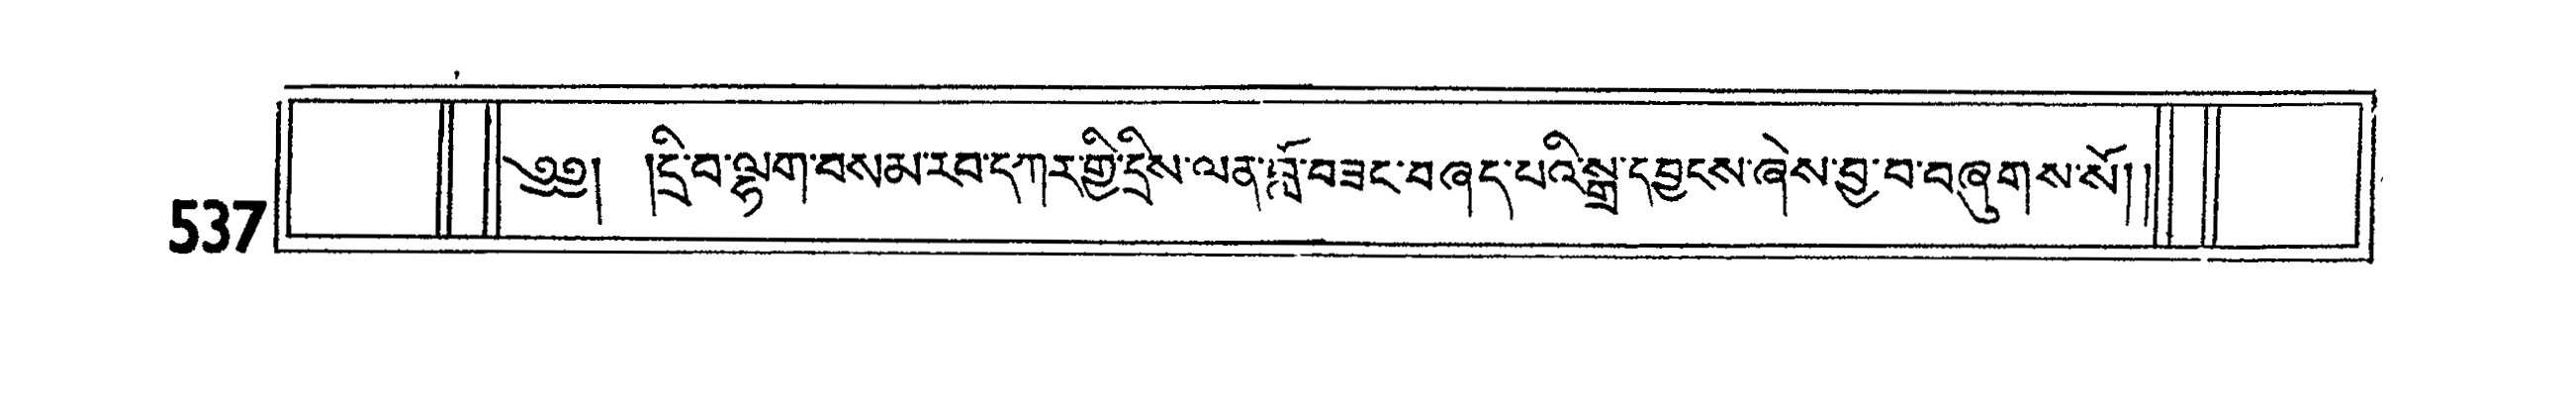༄༅། །དྲི་བ་ལྷག་བསམ་རབ་དཀར་གྱི་དྲིས་ལན་བློ་བཟང་བཞད་པའི་སྒྲ་དབྱངས་ཞེས་བྱ་བ་བཞུགས་སོ། །